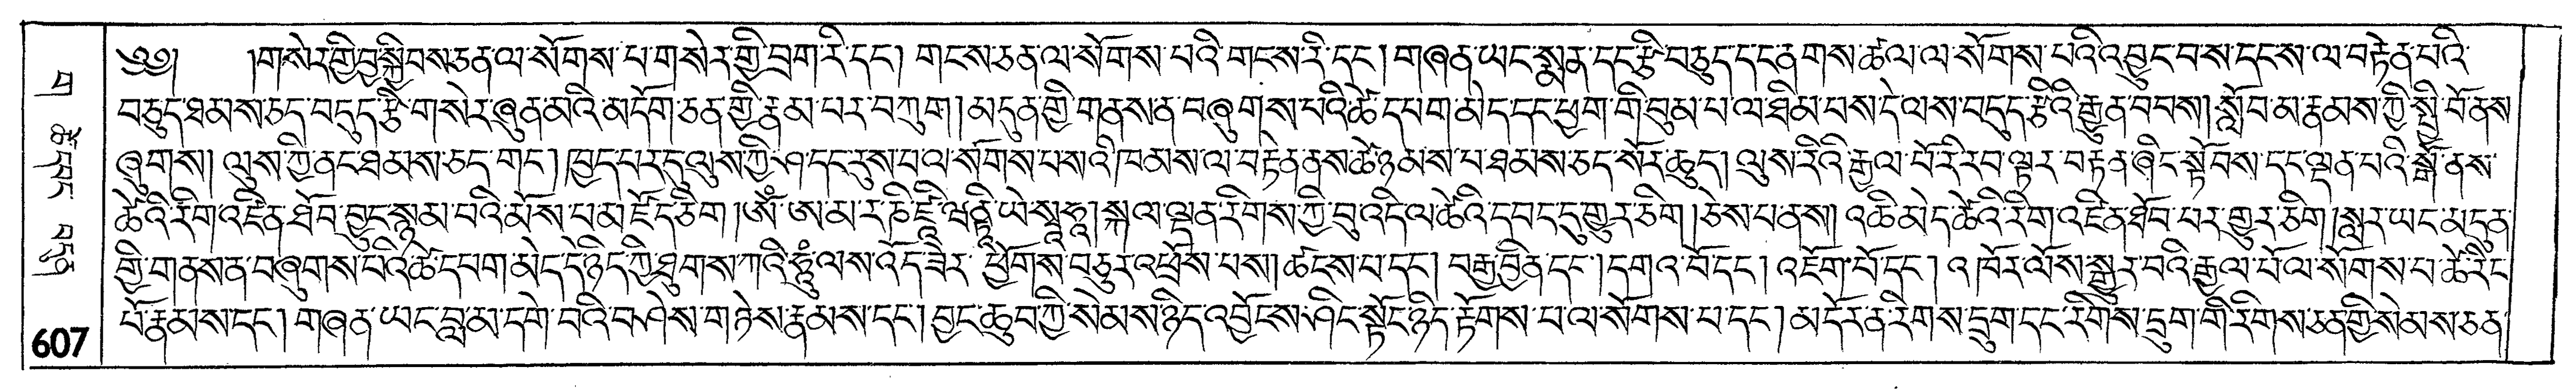༄༅། །གསེར་གྱི་བྱ་སྐྱིབས་ཅན་ལ་སོགས་པ་གསེར་གྱི་བྲག་རི་དང་། གངས་ཅན་ལ་སོགས་པའི་གངས་རི་དང་། གཞན་ཡང་སྨན་དང་རྩི་བཅུད་དང་ནགས་ཚལ་ལ་སོགས་པའི་འབྱུང་བ་ས་དང་ས་ལ་བརྟེན་པའི་
བཅུད་ཐམས་ཅད་བདུད་རྩི་གསེར་ཞུན་མའི་མདོག་ཅན་གྱི་རྣམ་པར་བཀུག །མདུན་གྱི་གནས་ན་བཞུགས་པའི་ཚེ་དཔག་མེད་དང་ཕྱག་གི་བུམ་པ་ལ་ཐིམ་པས་དེ་ལས་བདུད་རྩིའི་རྒྱུན་བབས། སློབ་མ་རྣམས་ཀྱི་སྤྱི་བོ་ནས་
ཞུགས། ལུས་ཀྱི་ནང་ཐམས་ཅད་གང་། ཁྱད་པར་དུ་ལུས་ཀྱི་ཤ་དང་རུས་པ་ལ་སོགས་པ་སའི་ཁམས་ལ་བརྟེན་ནས་ཚེ་ཉམས་པ་ཐམས་ཅད་སོར་ཆུད། ལུས་རིའི་རྒྱལ་པོ་རི་རབ་ལྟར་བརྟན་ཞིང་སྟོབས་དང་ལྡན་པའི་སྒོ་ནས་
ཚེའི་རིག་འཛིན་ཐོབ་བྱུང་སྙམ་པའི་མོས་པ་མཛོད་ཅིག །ཨོཾ་ཨ་མ་ར་ཎི་ཛཱི་ཝནྟཱི་ཡེ་སྭཱ་ཧཱ། སྐལ་ལྡན་རིགས་ཀྱི་བུ་འདི་ལ་ཚེའི་དབང་དུ་གྱུར་ཅིག །ཅེས་པ་ནས། འཆི་མེད་ཚེའི་རིག་འཛིན་ཐོབ་པར་གྱུར་ཅིག །སླར་ཡང་མདུན་
གྱི་གནས་ན་བཞུགས་པའི་ཚེ་དཔག་མེད་དེ་ཉིད་ཀྱི་ཐུགས་ཀའི་ཧཱུཾ་ལས་འོད་ཟེར་ཕྱོགས་བཅུར་འཕྲོས་པས། ཚངས་པ་དང་། བརྒྱ་བྱིན་དང་། དགའ་བོ་དང་། འཇོག་པོ་དང་། འཁོར་ལོས་སྒྱུར་བའི་རྒྱལ་པོ་ལ་སོགས་པ་ཚེ་རིང་
པོ་རྣམས་དང་། གཞན་ཡང་བླ་མ་དགེ་བའི་བཤེས་གཉེས་རྣམས་དང་། བྱང་ཆུབ་ཀྱི་སེམས་ཉིད་འབྱོངས་ཤིང་སྟོང་ཉིད་རྟོགས་པ་ལ་སོགས་པ་དང་། མདོར་ན་རིགས་དྲུག་དང་རིགས་དྲུག་གི་རིགས་ཅན་གྱི་སེམས་ཅན་